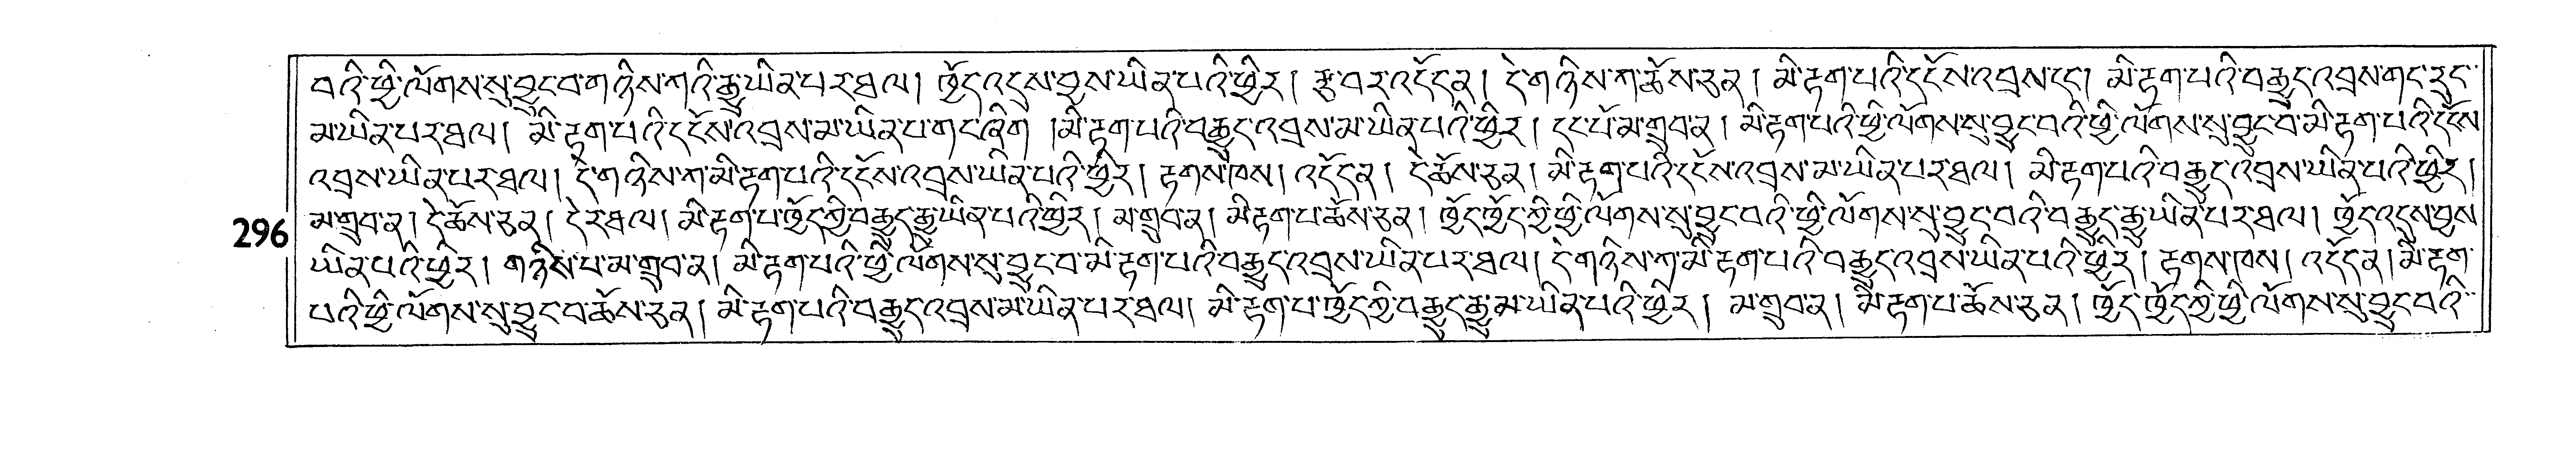བའི་ཕྱི་ལོགས་སུ་བྱུང་བ་གཉིས་ཀའི་རྒྱུ་ཡིན་པར་ཐལ། ཁྱོད་འདུས་བྱས་ཡིན་པའི་ཕྱིར། རྩ་བར་འདོད་ན། དེ་གཉིས་ཀ་ཆོས་ཅན། མི་རྟག་པའི་དངོས་འབྲས་དང་། མི་རྟག་པའི་བརྒྱུད་འབྲས་གང་རུང་
མ་ཡིན་པར་ཐལ། མི་རྟག་པའི་དངོས་འབྲས་མ་ཡིན་པ་གང་ཞིག །མི་རྟག་པའི་བརྒྱུད་འབྲས་མ་ཡིན་པའི་ཕྱིར། དང་པོ་མ་གྲུབ་ན། མི་རྟག་པའི་ཕྱི་ལོགས་སུ་བྱུང་བའི་ཕྱི་ལོགས་སུ་བྱུང་བ་མི་རྟག་པའི་དངོས་
འབྲས་ཡིན་པར་ཐལ། དེ་གཉིས་ཀ་མི་རྟག་པའི་དངོས་འབྲས་ཡིན་པའི་ཕྱིར། རྟགས་ཁས། འདོད་ན། དེ་ཆོས་ཅན། མི་རྟག་པའི་དངོས་འབྲས་མ་ཡིན་པར་ཐལ། མི་རྟག་པའི་བརྒྱུད་འབྲས་ཡིན་པའི་ཕྱིར།
མ་གྲུབ་ན། དེ་ཆོས་ཅན། དེར་ཐལ། མི་རྟག་པ་ཁྱོད་ཀྱི་བརྒྱུད་རྒྱུ་ཡིན་པའི་ཕྱིར། མ་གྲུབ་ན། མི་རྟག་པ་ཆོས་ཅན། ཁྱོད་ཁྱོད་ཀྱི་ཕྱི་ལོགས་སུ་བྱུང་བའི་ཕྱི་ལོགས་སུ་བྱུང་བའི་བརྒྱུད་རྒྱུ་ཡིན་པར་ཐལ། ཁྱོད་འདུས་བྱས་
ཡིན་པའི་ཕྱིར། གཉིས་པ་མ་གྲུབ་ན། མི་རྟག་པའི་ཕྱི་ལོགས་སུ་བྱུང་བ་མི་རྟག་པའི་བརྒྱུད་འབྲས་ཡིན་པར་ཐལ། དེ་གཉིས་ཀ་མི་རྟག་པའི་བརྒྱུད་འབྲས་ཡིན་པའི་ཕྱིར། རྟགས་ཁས། འདོད་ན། མི་རྟག་
པའི་ཕྱི་ལོགས་སུ་བྱུང་བ་ཆོས་ཅན། མི་རྟག་པའི་བརྒྱུད་འབྲས་མ་ཡིན་པར་ཐལ། མི་རྟག་པ་ཁྱོད་ཀྱི་བརྒྱུད་རྒྱུ་མ་ཡིན་པའི་ཕྱིར། མ་གྲུབ་ན། མི་རྟག་པ་ཆོས་ཅན། ཁྱོད་ཁྱོད་ཀྱི་ཕྱི་ལོགས་སུ་བྱུང་བའི་